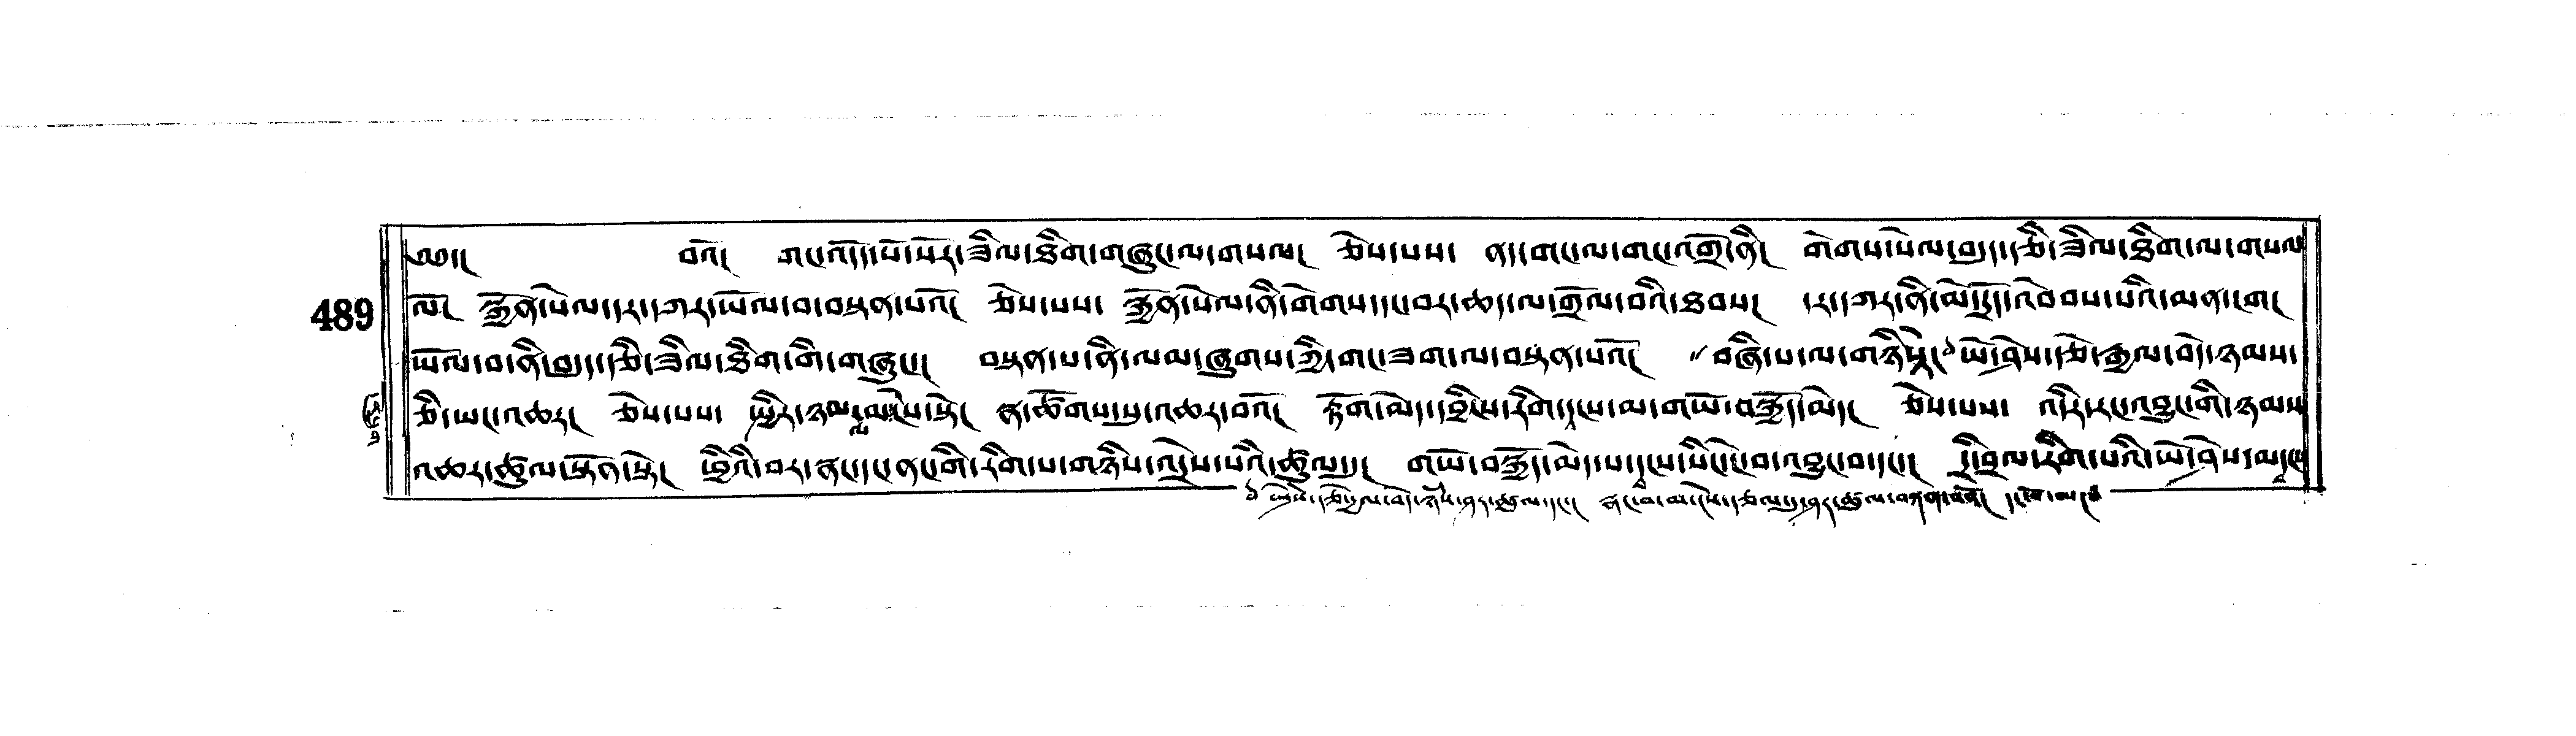བའོ། གང་འདོད་སོ་སོར་ཟིལ་ཐིག་གཞུང་ལ་གསལ། ཅེས་པས། ནད་གང་ལ་གང་འགྲོ་ནི། གེག་སེལ་བདུད་རྩི་ཟིལ་ཐིགས་ལ་གསལ་
ལོ། སྐྱོན་སེལ་དར་དཀར་ཡོལ་བ་བསྟན་པའོ། ཅེས་པས། སྐྱོན་སེལ་ནི་གེག་དང་བར་ཆད་ལས་གྲོལ་བའི་ཐབས། དར་དཀར་ནི་མེ་དྲོད་འབེབས་པའི་མན་ངག 
ཡོལ་བ་ནི་བདུད་རྩི་ཟིལ་ཐིག་གི་གཞུང་། བསྟན་པ་ནི་ལམ་ཞུགས་ཀྱི་གང་ཟག་ལ་བསྟན་པའོ། ༧ བཞི་པ་ལ་གཉིས་ཏེ། ཡེ་ཤེས་རྩེ་རྒྱལ་བདེ་ཉམས་ཤར་ཚུལ་དང་། སྣང་བ་མ་ངེས་རྩལ་དུ་ཤར་ཚུལ་བསྟན་པའོ། དང་པོ་ལ། རྩེ་རྒྱལ་བདེ་ཉམས་
ཅི་ཡང་འཆར། ཅེས་པས། སྤྱིར་ཉམས་ལ་མ་ངེས་ཏེ། སྣ་ཚོགས་སུ་འཆར་བའོ། རྟོག་མེད་དབྱིངས་རིག་དྭངས་མ་གཡོ་སྐྱོད་མེད། ཅེས་པས། འདིར་རང་འབྱུང་གི་ཉམས་
འཆར་ཚུལ་སྟོན་ཏེ། ཕྱིའི་བར་སྣང་དང་ནང་གི་རིག་པ་གཉིས་འདྲེས་པའི་ཚུལ་དུ། གཡོ་སྐྱོད་མེད་པ་དང་སེང་ངེ་བ་འབྱུང་བ་དང་། དྲི་བྲལ་རིག་པའི་ཡེ་ཤེས་མདངས་